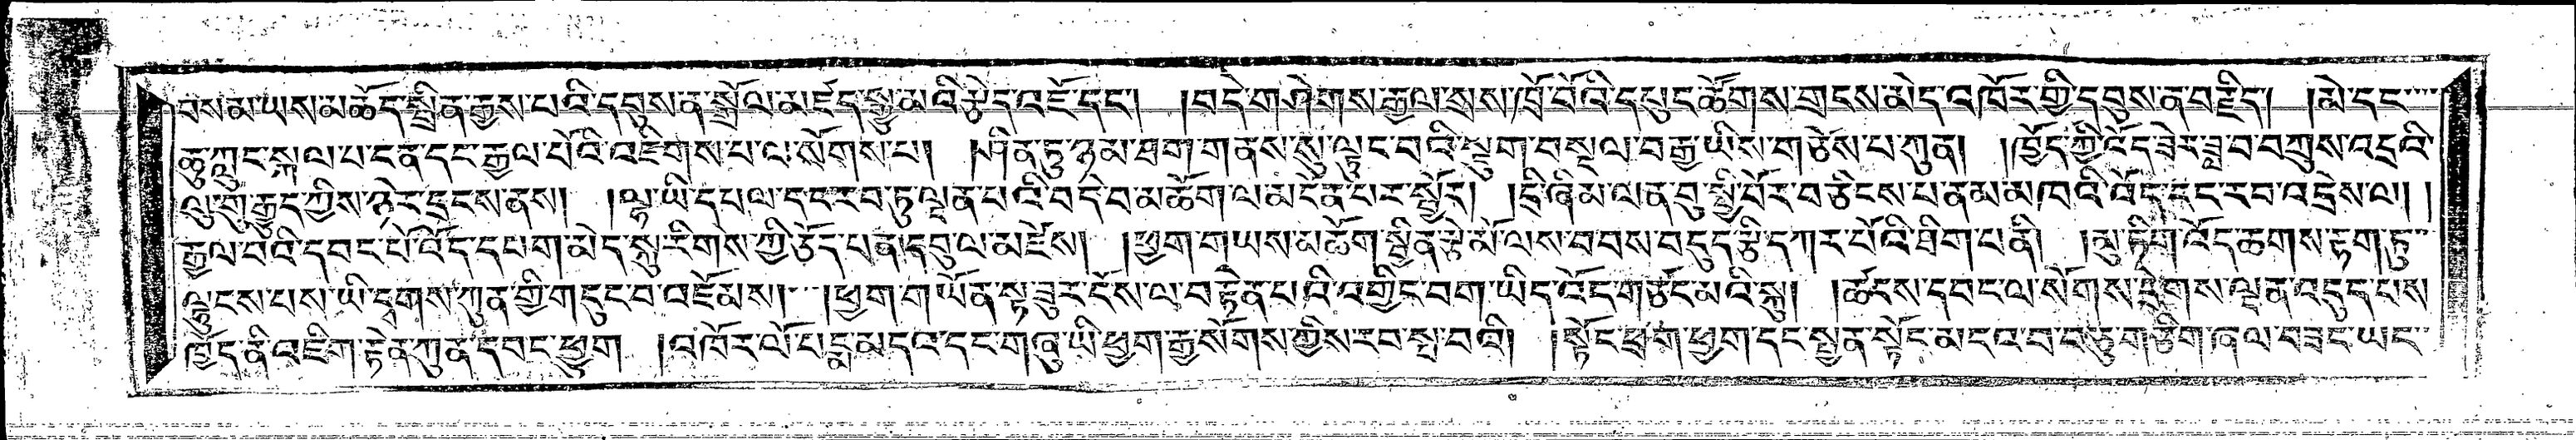བསམ་ཡས་མཆོད་སྦྲིན་རྒྱས་པའི་དབུས་ན་སྒྲོལ་མཛད་སྒྱུ་མའི་རྩེད་འཇོ་དང་། །བདེ་གཤེགས་རྒྱལ་སྲས་ཁྲོ་བོའི་དཔུང་ཚོགས་གྲངས་མེད་འཁོར་གྱི་དབུས་ན་བརྗིད། །མེ་དང་
ཆུ་ཀླུང་སྐལ་པ་ངན་དང་རྒྱལ་པོའི་འཇིགས་པ་ལ་སོགས་པ། །ཤིན་ཏུ་ཉམ་ཐག་གནས་སུ་ལྟུང་བའི་སྡུག་བསྔལ་བརྒྱ་ཡིས་གཙེས་པ་ཀུན། །ཁྱོད་ཀྱི་འོད་ཟེར་ཟླ་བ་བཀྲུས་འདྲའི་
ལུ་གུ་རྒྱུད་ཀྱིས་ཉེར་དྲངས་ནས། །ལྷ་ཡི་དཔལ་དང་རབ་ཏུ་ལྡན་པའི་བདེ་བ་མཆོག་ལ་མངོན་པར་སྦྱོར། །དྲི་ཞིམ་ལན་བུ་སྤྱི་བོར་བཅིངས་པ་ནམ་མཁའི་འོད་དང་རབ་འདྲེས་ལ། །
རྒྱལ་བའི་དབང་པོ་འོད་དཔག་མེད་སྐུ་རིགས་ཀྱི་ཅོད་པན་དབུ་ལ་མཛེས། །ཕྱག་གཡས་མཆོག་སྦྱིན་རྩེ་མོ་ལས་བབས་བདུད་རྩི་དཀར་པོའི་ཐིག་པ་ནི། །མུ་ཏིག་འོད་ཆགས་རྟག་ཏུ་
ལྷུངས་པས་ཡི་དྭགས་ཀུན་གྱི་གདུང་བ་འཇོམས། །ཕྱག་གཡོན་སྟ་ཟུར་ངོས་ལ་བརྟེན་པའི་འགྱིང་བག་ཡིད་འོང་གཙང་མའི་སྐུ། །ཚངས་དབང་ལ་སོགས་དྲེགས་ལྡན་འདུད་པས་
ཁྱོད་ནི་འཇིག་རྟེན་ཀུན་དབང་ཕྱུག །འཁོར་ལོ་པདམ་མདའ་དང་གཞུ་ཡི་ཕྱག་རྒྱ་སོགས་ཀྱིས་རབ་སྤ་བའི། །སྟོང་ཕྲག་ཕྱག་དང་སྤྱན་སྟོང་མངའ་བ་བཅུ་གཅིག་ཞལ་བཟང་ཡང་